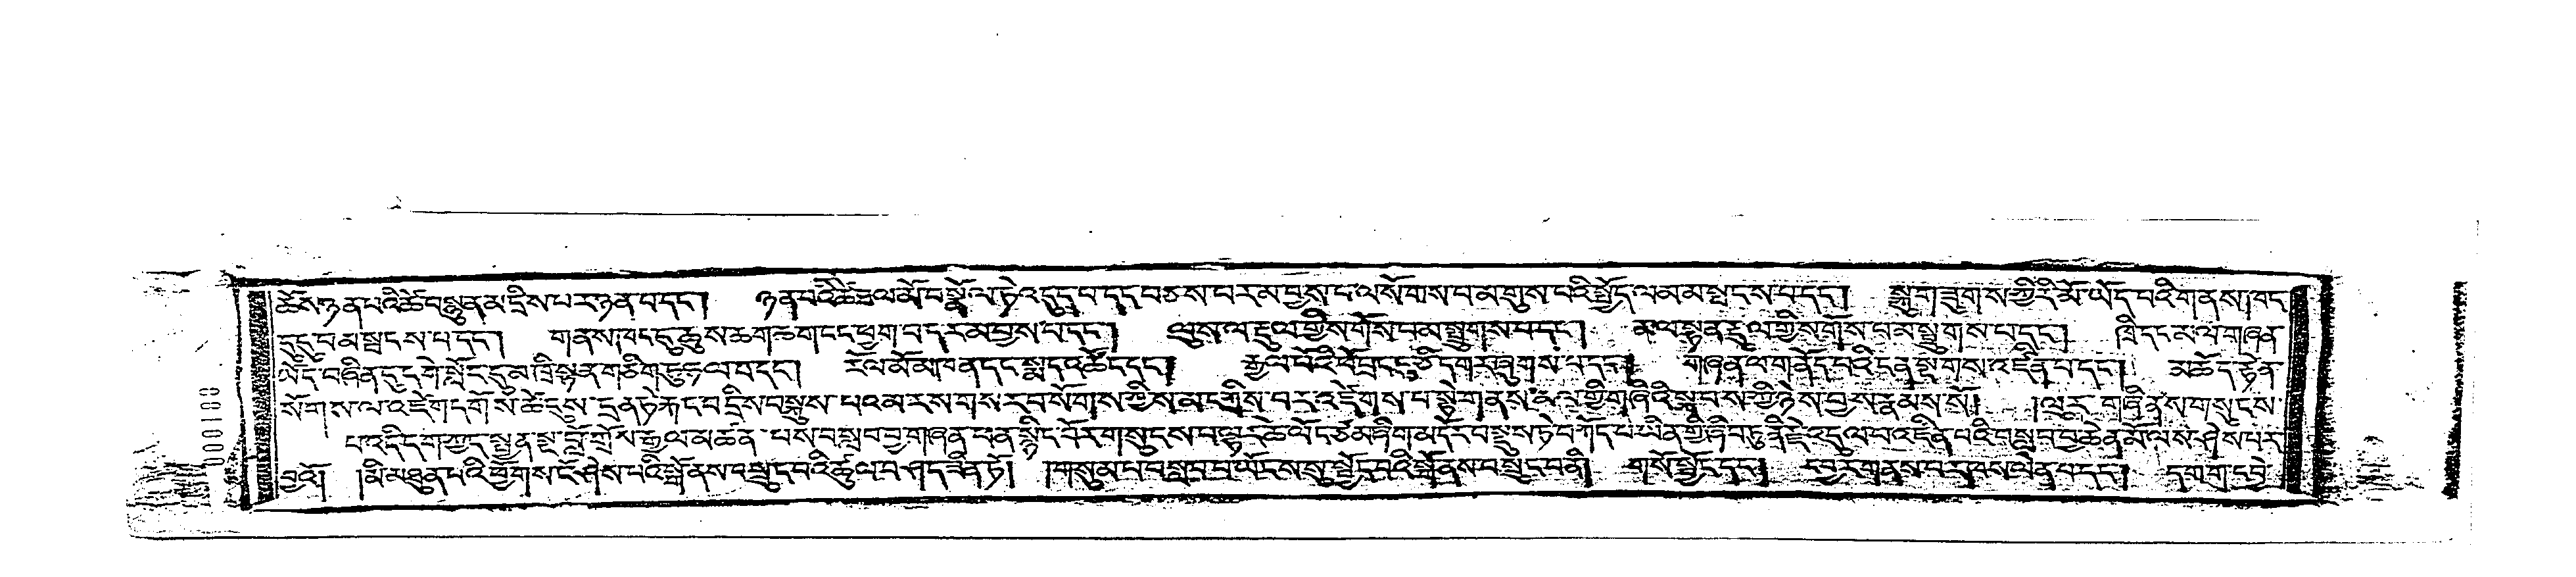ཆོས་ཉན་པའི་ཚེ་བསྙུན་མ་དྲིས་པར་ཉན་པ་དང་། ཉན་པའི་ཚེ་ཐལ་མོ་བསྣོལ་ཏེ་འདུད་པ་དང་བཅས་པར་མ་བྱས་པ་ལ་སོགས་པ་མ་གུས་པའི་སྤྱོད་ལམ་མ་སྤངས་པ་དང་། སྐུ་གཟུགས་ཀྱི་རི་མོ་ཡོད་པའི་གནས་ཁང་
དུ་དུ་བམ་སྤངས་པ་དང་། གནས་ཁང་དུ་ཆུས་ཆག་ཆག་ངང་ཕྱག་བདར་མ་བྱས་པ་དང་། ལུས་ལ་རྡུལ་གྱིས་གོས་པ་མ་སྤྲུགས་པ་དང་། མལ་སྟན་རྡུལ་གྱིས་གོས་པ་མ་སྤྲུགས་པ་དང་། ཁྲི་དང་མལ་གཞན་
ཡོད་བཞིན་དུ་དགེ་སློང་དུ་མ་ཁྲི་སྟན་གཅིག་ཏུ་ཉལ་བ་དང་། རོལ་མོ་མཁན་དང་སྨད་འཚོང་དང་། རྒྱལ་པོའི་ཕོ་བྲང་དུ་ཅི་དགར་ཞུགས་པ་དང་། གཞན་ལ་གནོད་པའི་ངན་སྔགས་འཛིན་པ་དང་། མཆོད་རྟེན་
སོགས་ལ་འཛེག་དགོས་ཚེ་དུས་དྲན་ཏེ་རྐང་བ་དྲིས་བསྐུས་པའམ་རས་གསར་བ་སོགས་ཀྱིས་མ་དཀྲིས་བར་འཛེགས་པ་སྟེ་གནས་མལ་གྱི་གཞིའི་སྐབས་ཀྱི་ཉེས་བྱས་རྣམས་སོ། །ལུར་གཞི་ནས་གསུངས་
པ་འདི་དག་ཀྱང་སྤྱན་སྔ་བློ་གྲོས་རྒྱལ་མཚན་པས་བསླབ་བྱ་གཞན་ཕན་སྙིང་པོར་གསུངས་པ་ལྟར་ཆེ་ལོང་ཙམ་ཞིག་མདོར་བསྡུས་ཏེ་བཀོད་པ་ཡིན་གྱི་ཞིབ་ཏུ་ནི་རྗེ་འདུལ་བ་འཛིན་པའི་བསླབ་བྱ་ཆེན་མོ་ལས་ཤེས་པར་
བྱའོ། །མི་མཐུན་པའི་ཕྱོགས་ངོ་ཤེས་པའི་སྒོ་ནས་བསྲུང་བའི་ཚུལ་བཤད་ཟིན་ཏོ། །གསུམ་པ་བསླབ་པ་ཡོངས་སུ་སྦྱོང་བའི་སྒོ་ནས་བསྲུང་བ་ནི། གསོ་སྦྱོང་དང་། དབྱར་གནས་པར་ཁས་ལེན་པ་དང་། དགག་དབྱེ་